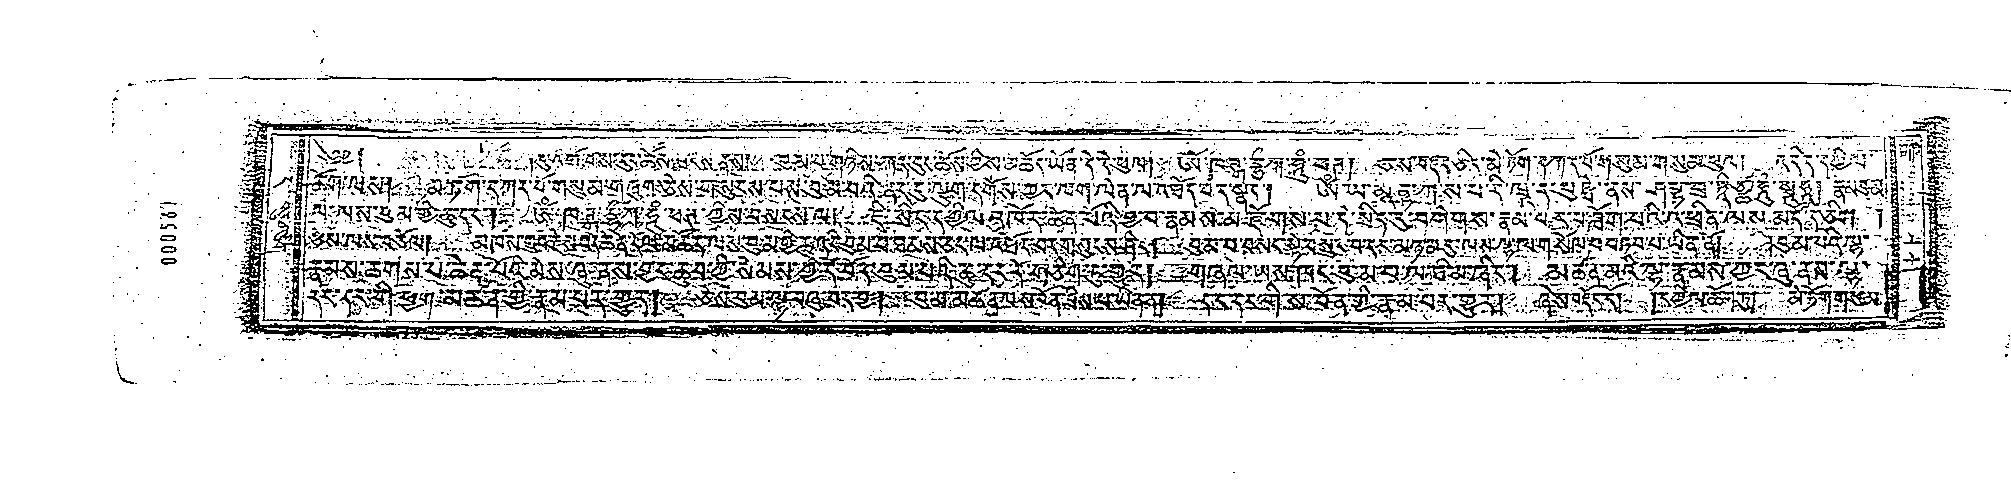༄༅། །དུ་འགྲོ་བས་དུང་ཆོས་བླངས་ནས། བུམ་པ་གཉིས་ཀར་དུང་ཆོས་ཀྱིས་མཆོད་ཡོན་རེ་རེ་ཕུལ། ཨོཾ་ཁཊྒ་དྷྲྀ་ཀ་ཧཱུཾ་ཕཊ། ཅེས་བརྗོད་ཅིང་མེ་ཏོག་དཀར་པོ་གསུམ་གསུམ་ཕུལ། འདིར་དཀྱིལ་
ཆོག་ལས། མེ་ཏོག་དཀར་པོ་གསུམ་གཞུག་ཅེས་གསུངས་པས་བུམ་པའི་ནང་དུ་ལྡུག་དགོས་ཀྱང་ལག་ལེན་ལ་འཐོད་བར་སྣང་། ཨོཾ་ཡ་མཱནྟ་ཀ་ས་པ་རི་ཝཱ་ར་པུཥྤེ་ནས་ཤཔྟ་བྲ་ཏཱིཙྪ་ཧཱུཾ་སྭཱཧཱ། རྣམ་བུམ་
ལ་ལས་བུམ་གྱི་ཆུ་དང་། ཨོཾ་ཁཊྒ་དྷྲྀ་ཀ་ཧཱུཾ་ཕཊ་ཀྱིས་བསངས་ལ། ཇི་སྲིད་དཀྱིལ་འཁོར་ཆེན་པོའི་བྱ་བ་རྣམས་མ་རྫོགས་པ་དེ་སྲིད་དུ་བགེགས་རྣམ་པར་པ་ཟློག་པའི་འཕྲིན་ལས་མཛད་ཅིག །
ཅེས་ལས་བཅོལ། མཁས་གྲུབ་རྗེས་བདེ་ཆེན་རོལ་མཆོད་ལས་བུམ་གྱི་ཆུ་འདི་བུམ་བ་ཐམས་ཅད་ལ་འཐོང་བར་གསུངས་ཤིང་། བུམ་པ་བསང་སྟེ་བསྲུང་བ་དང་མཉམ་དུ་ལས་ལྷ་ལ་གསོལ་བ་བཏབ་པ་ཡིན་ནོ། །བུམ་པའི་ལྷ་
རྣམས་ཆགས་པ་ཆེན་པོའི་མེས་ཞུ་ནས་བྱང་ཆུབ་ཀྱི་སེམས་ཀྱི་ངོ་བོར་བུམ་པའི་ཆུ་དང་རོ་གཅིག་ཏུ་གྱུར། གཞལ་ཡས་ཁང་བུམ་པ་ལ་ཐིམ་ཞིང་། མཚན་མའི་ལྷ་རྣམས་ཀྱང་ཞུ་ནས་ལྷ་
རང་རང་གི་ཕྱག་མཚན་གྱི་རྣམ་པར་གྱུར། ཅེས་བུམ་ལྷ་བཞུ་བར་བྱ། བུམ་མཚན་ལས་བོན་བྲིས་པ་ཡིན་ན། རང་རང་གི་ས་བོན་གྱི་རྣམ་པར་གྱུར། ཞེས་བརྗོད་དོ། །དཀྱིལ་ཆོག་ཏུ། མེ་ཏོག་གསུམ་